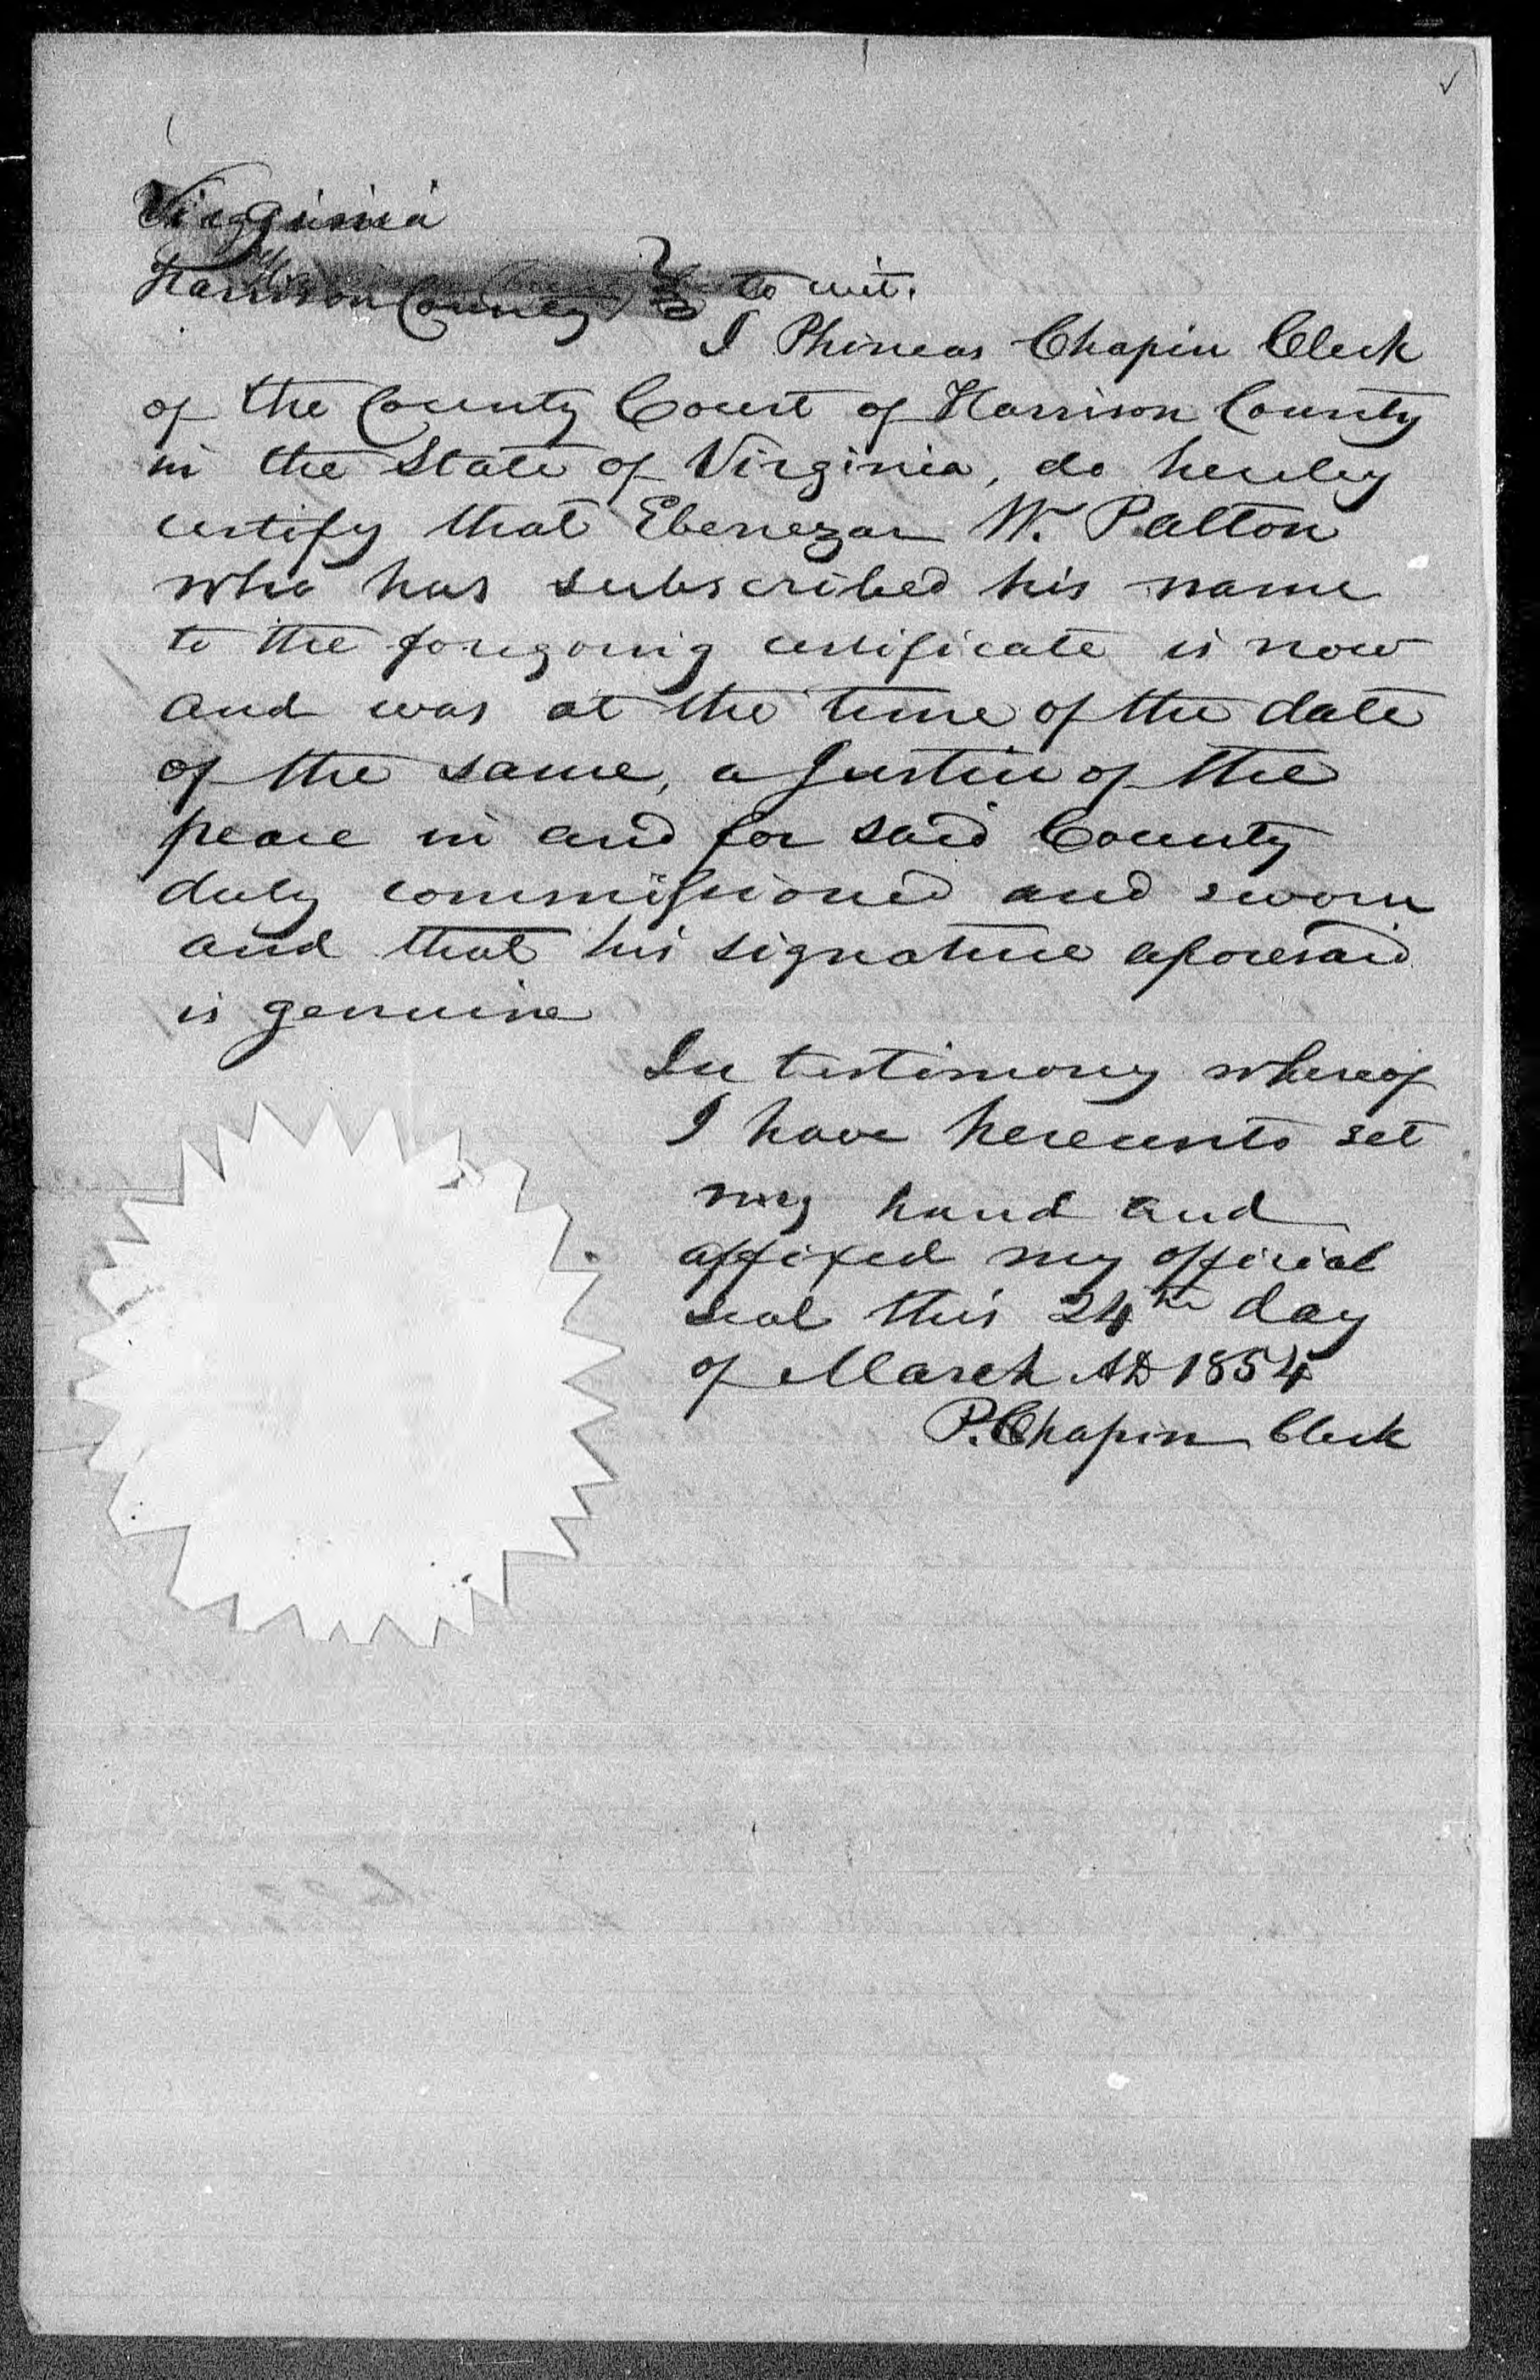Virginia
Harrison County to wit.
I Phineas Chapin Clerk
of the County Court of Harrison County
in the State of Virginia, do hereby
certify that Ebenezar W. Patton
who has subscribed his name
to the foregoing certificate is now
and was at the time of the date
of the same, a Justice of the
peace in and for said County
duly commissioned and sworn
and that his signature aforesaid
is genuine
In testimony whereof
I have hereunto set
my hand and
affixed my official
Seal this 24th day
of March AD 1854
P. Chapin Clerk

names: P Chapin, Ebenezer W Patton, Phineas Chapin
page: 9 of 21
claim: rejected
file: R. 1,907, Joseph Cheuvront, Va.